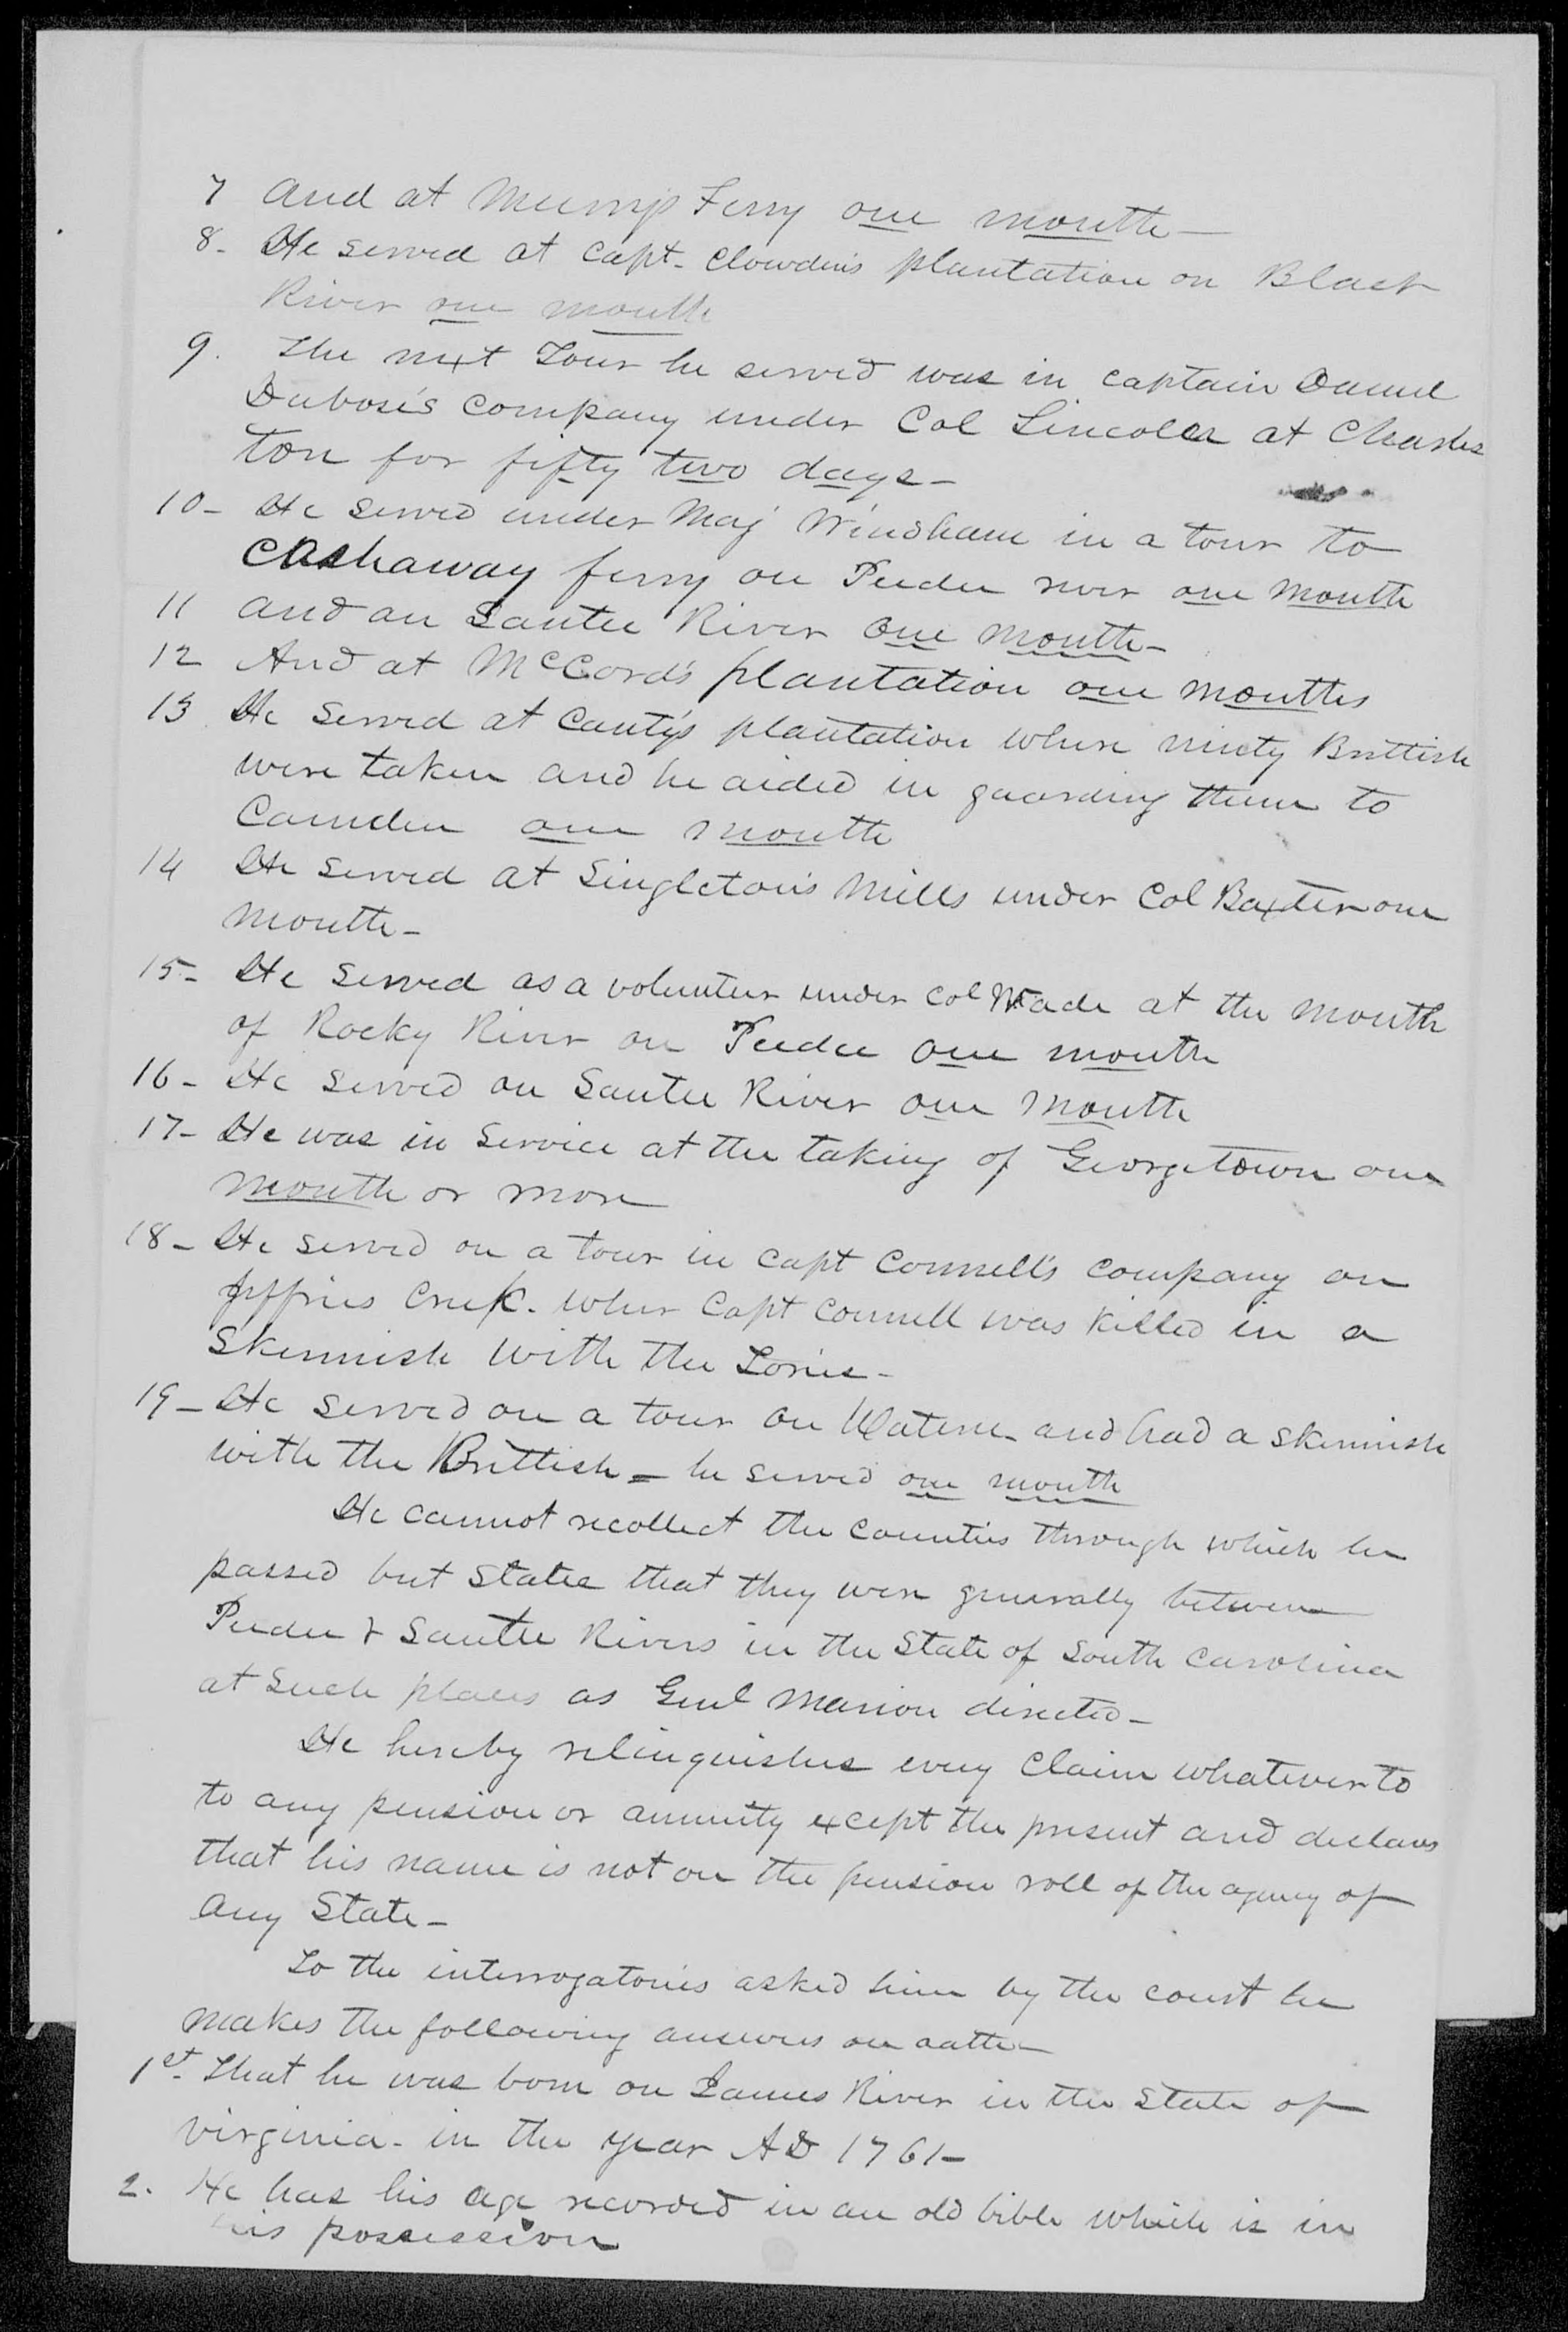7  And at Murry's Ferry one month ['one month' underlined]
8.  He served at Capt. Clowden's plantation on Black River one month ['one month' underlined]
9.  The next tour he served was in Captain Samel Dubose's company under Col Lincoln at Charleston for fifty two days __ [last three words underlined]
10.  He served under Maj Windham in a tour to Castaway ferry on Peedee river one month ['one month' underlined]
11  And on Santee River one month. ['one month' underlined]
12  And at McCord's plantation one month ['one month' underlined]
13  He served at Canty's plantation when ninty Brittish were taken and he aidedc in guarding them to Camden one month ['one month' underlined]
14  He served at Singleton's Mill under Col Baxter one month __
15 __ He served as a volunteer under Col Wade at the mouth of Rocky River on Peedee one month ['one month' underlined]
16 _  He served on Santee River one month ['one month' underlined]
17  He was in service at the taking of Georgetown one month [underlined] or more
18_  He served on a tour in Capt Connell's company on Jeffries Creek.  when Capt Connell was killed in a Skirmish with the Tories -
19   He served on a tour on Wateree and had a skirmish with the Brittish __ he served one month ['one month' underlined]
He cannot recollect the counties through which he passed but states that they were generally between Peedee + [and] Santee Rivers in the State of South Carolina at such places as Genl Marion directed __
He hereby relinquishes every claim whatever to to any pension or annuity except the present and declaims that his name is not on the pension roll of the agency of any state _
To the interrogations asked him by the court he makes the following answers on oath __
1st.  That he was born on James River in the State of Virginia.  in the year AD. 1761 --
2.  He has his age recorded in an old bible which is in his possession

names: Windham, Baxterous, Corwell, Wade, Lincolm, Marion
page: 8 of 31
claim: survivor's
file: S. 14802, Thomas Ward, S.C.